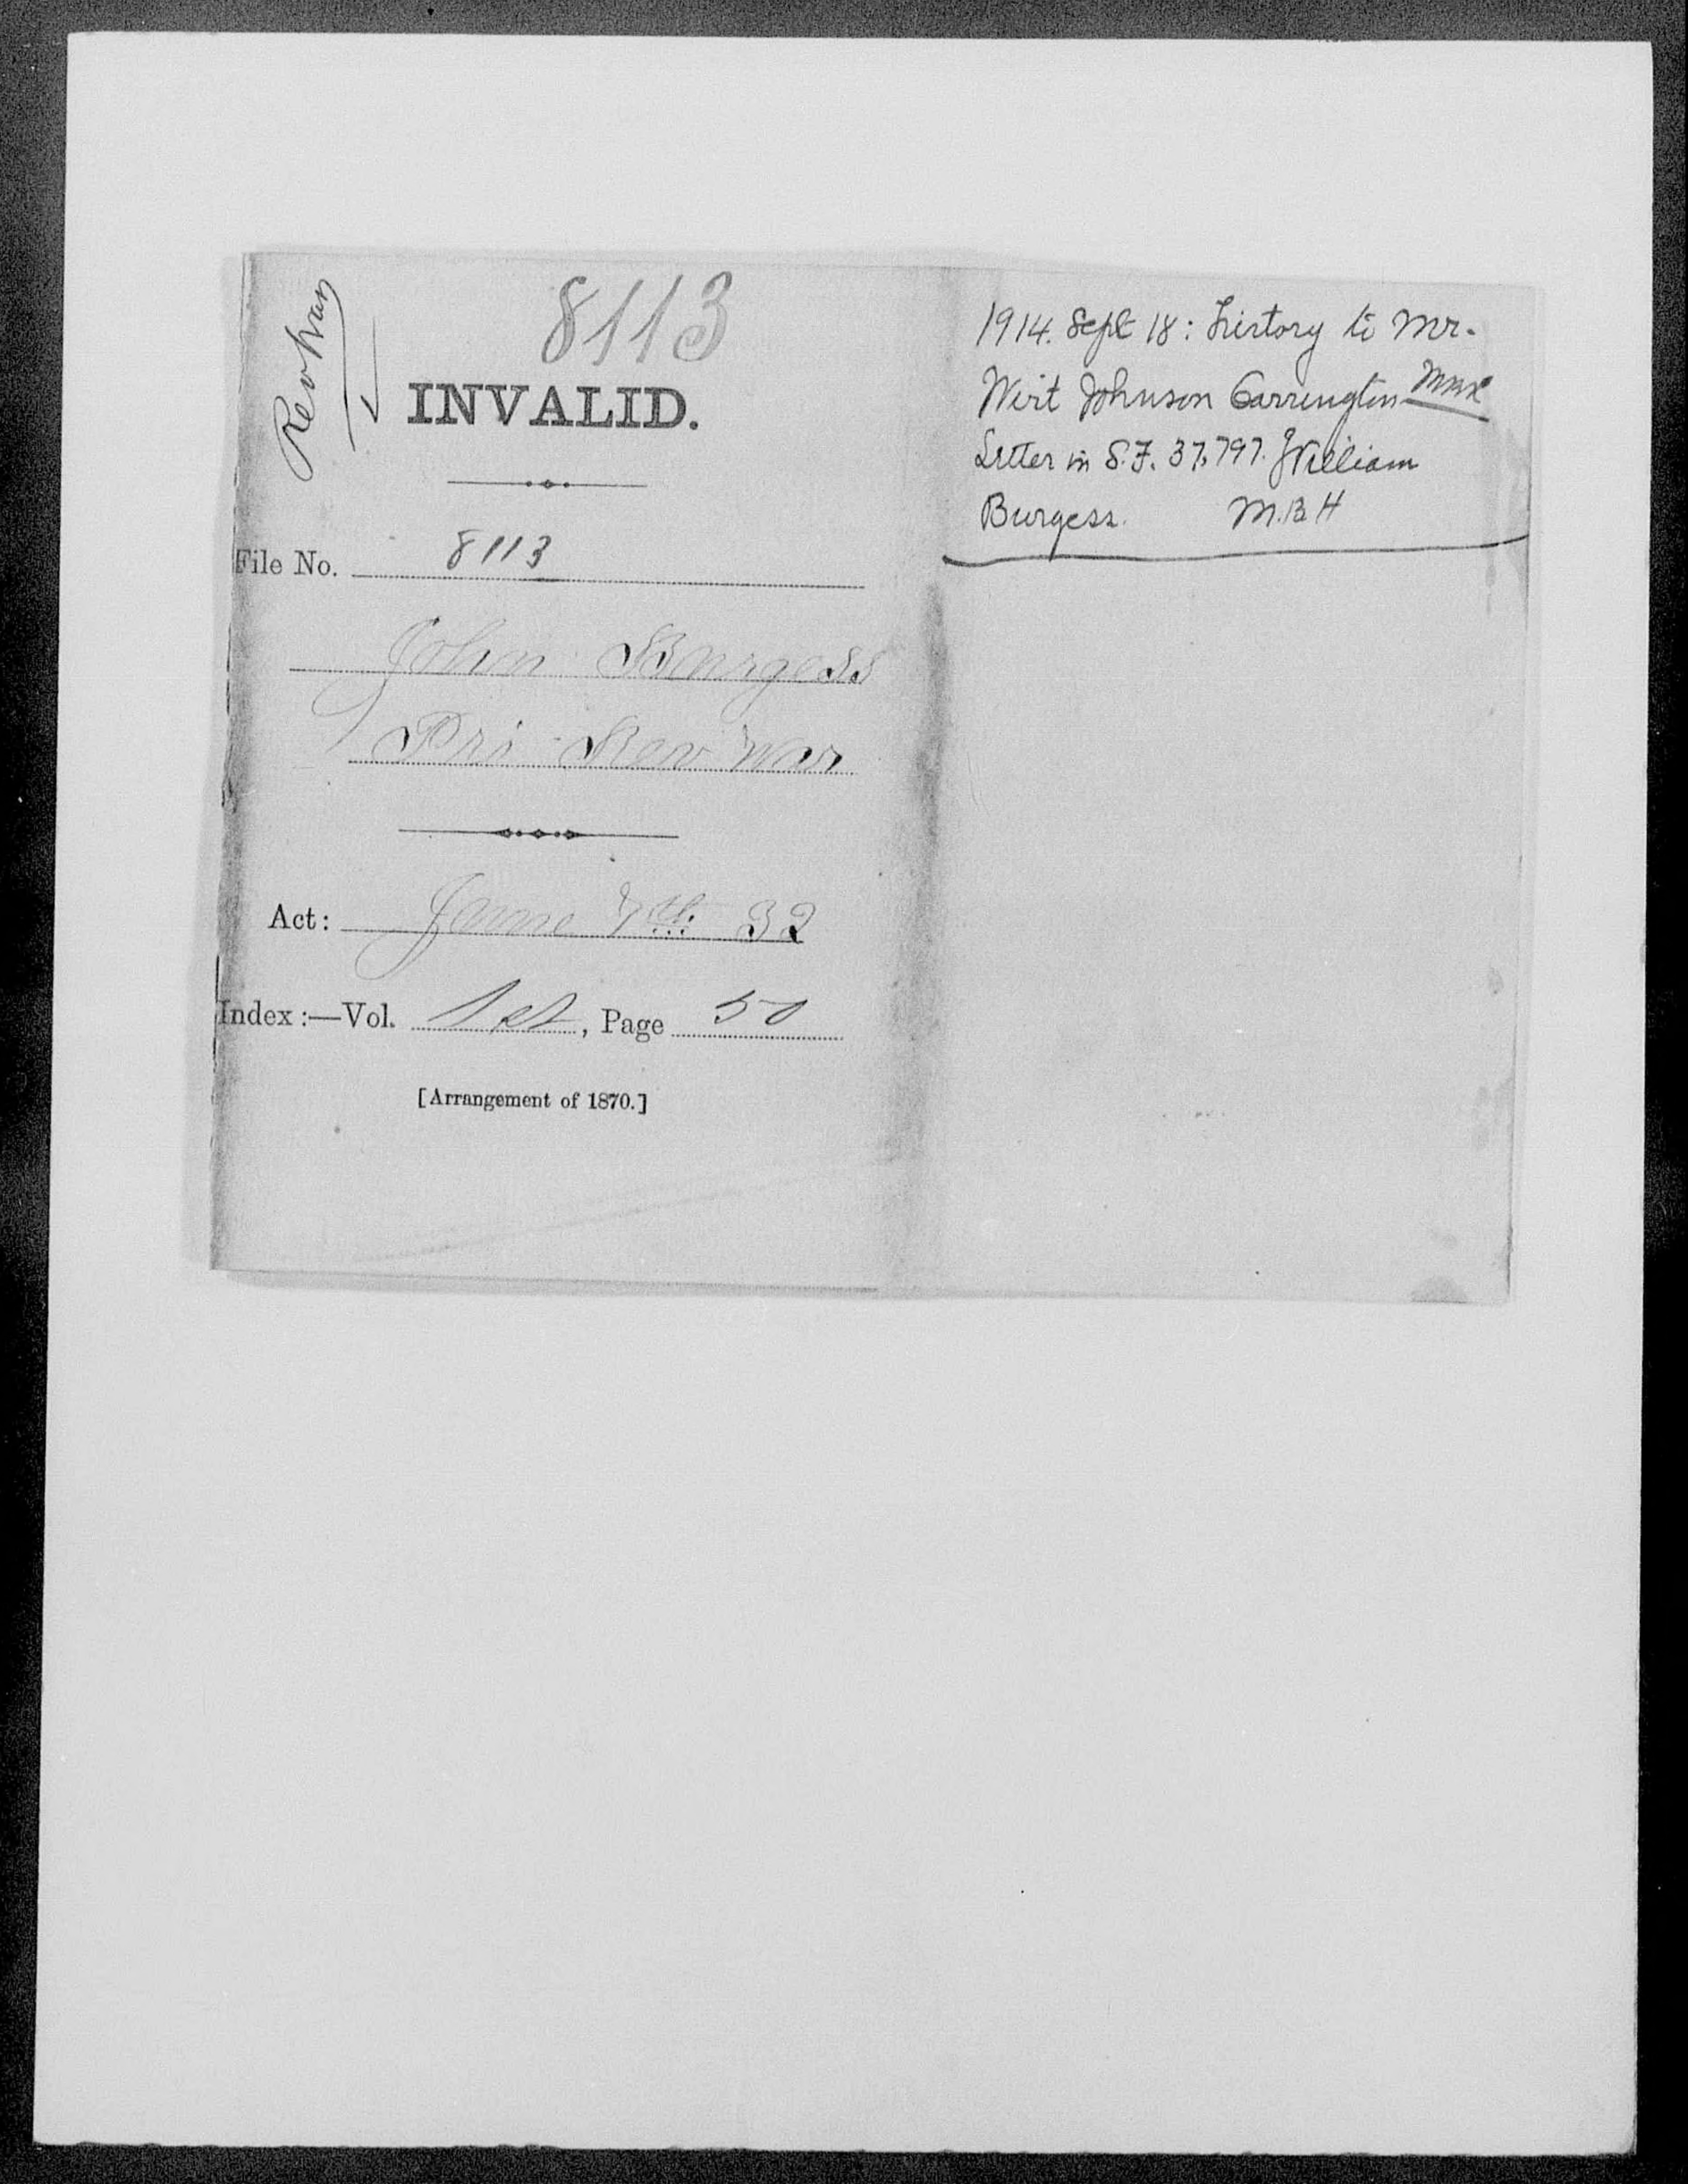Revolutionary           8113
INVALID
File No. 8113
John Burgess
Pri Rev War
Act: June 7th 32
Index: - Vol 1st, Page 50
[Arrangement of 1870'

1914 Sept 18 history to Mr.
Wirt Johnson Carrington [Mrgx?]Letter in S.F. 37,797 William
Burgess. M.B.H.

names: Wirt Johnson, William Burgess, John Burgess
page: 14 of 16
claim: survivor's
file: S. 8113, John Burgess, Va.